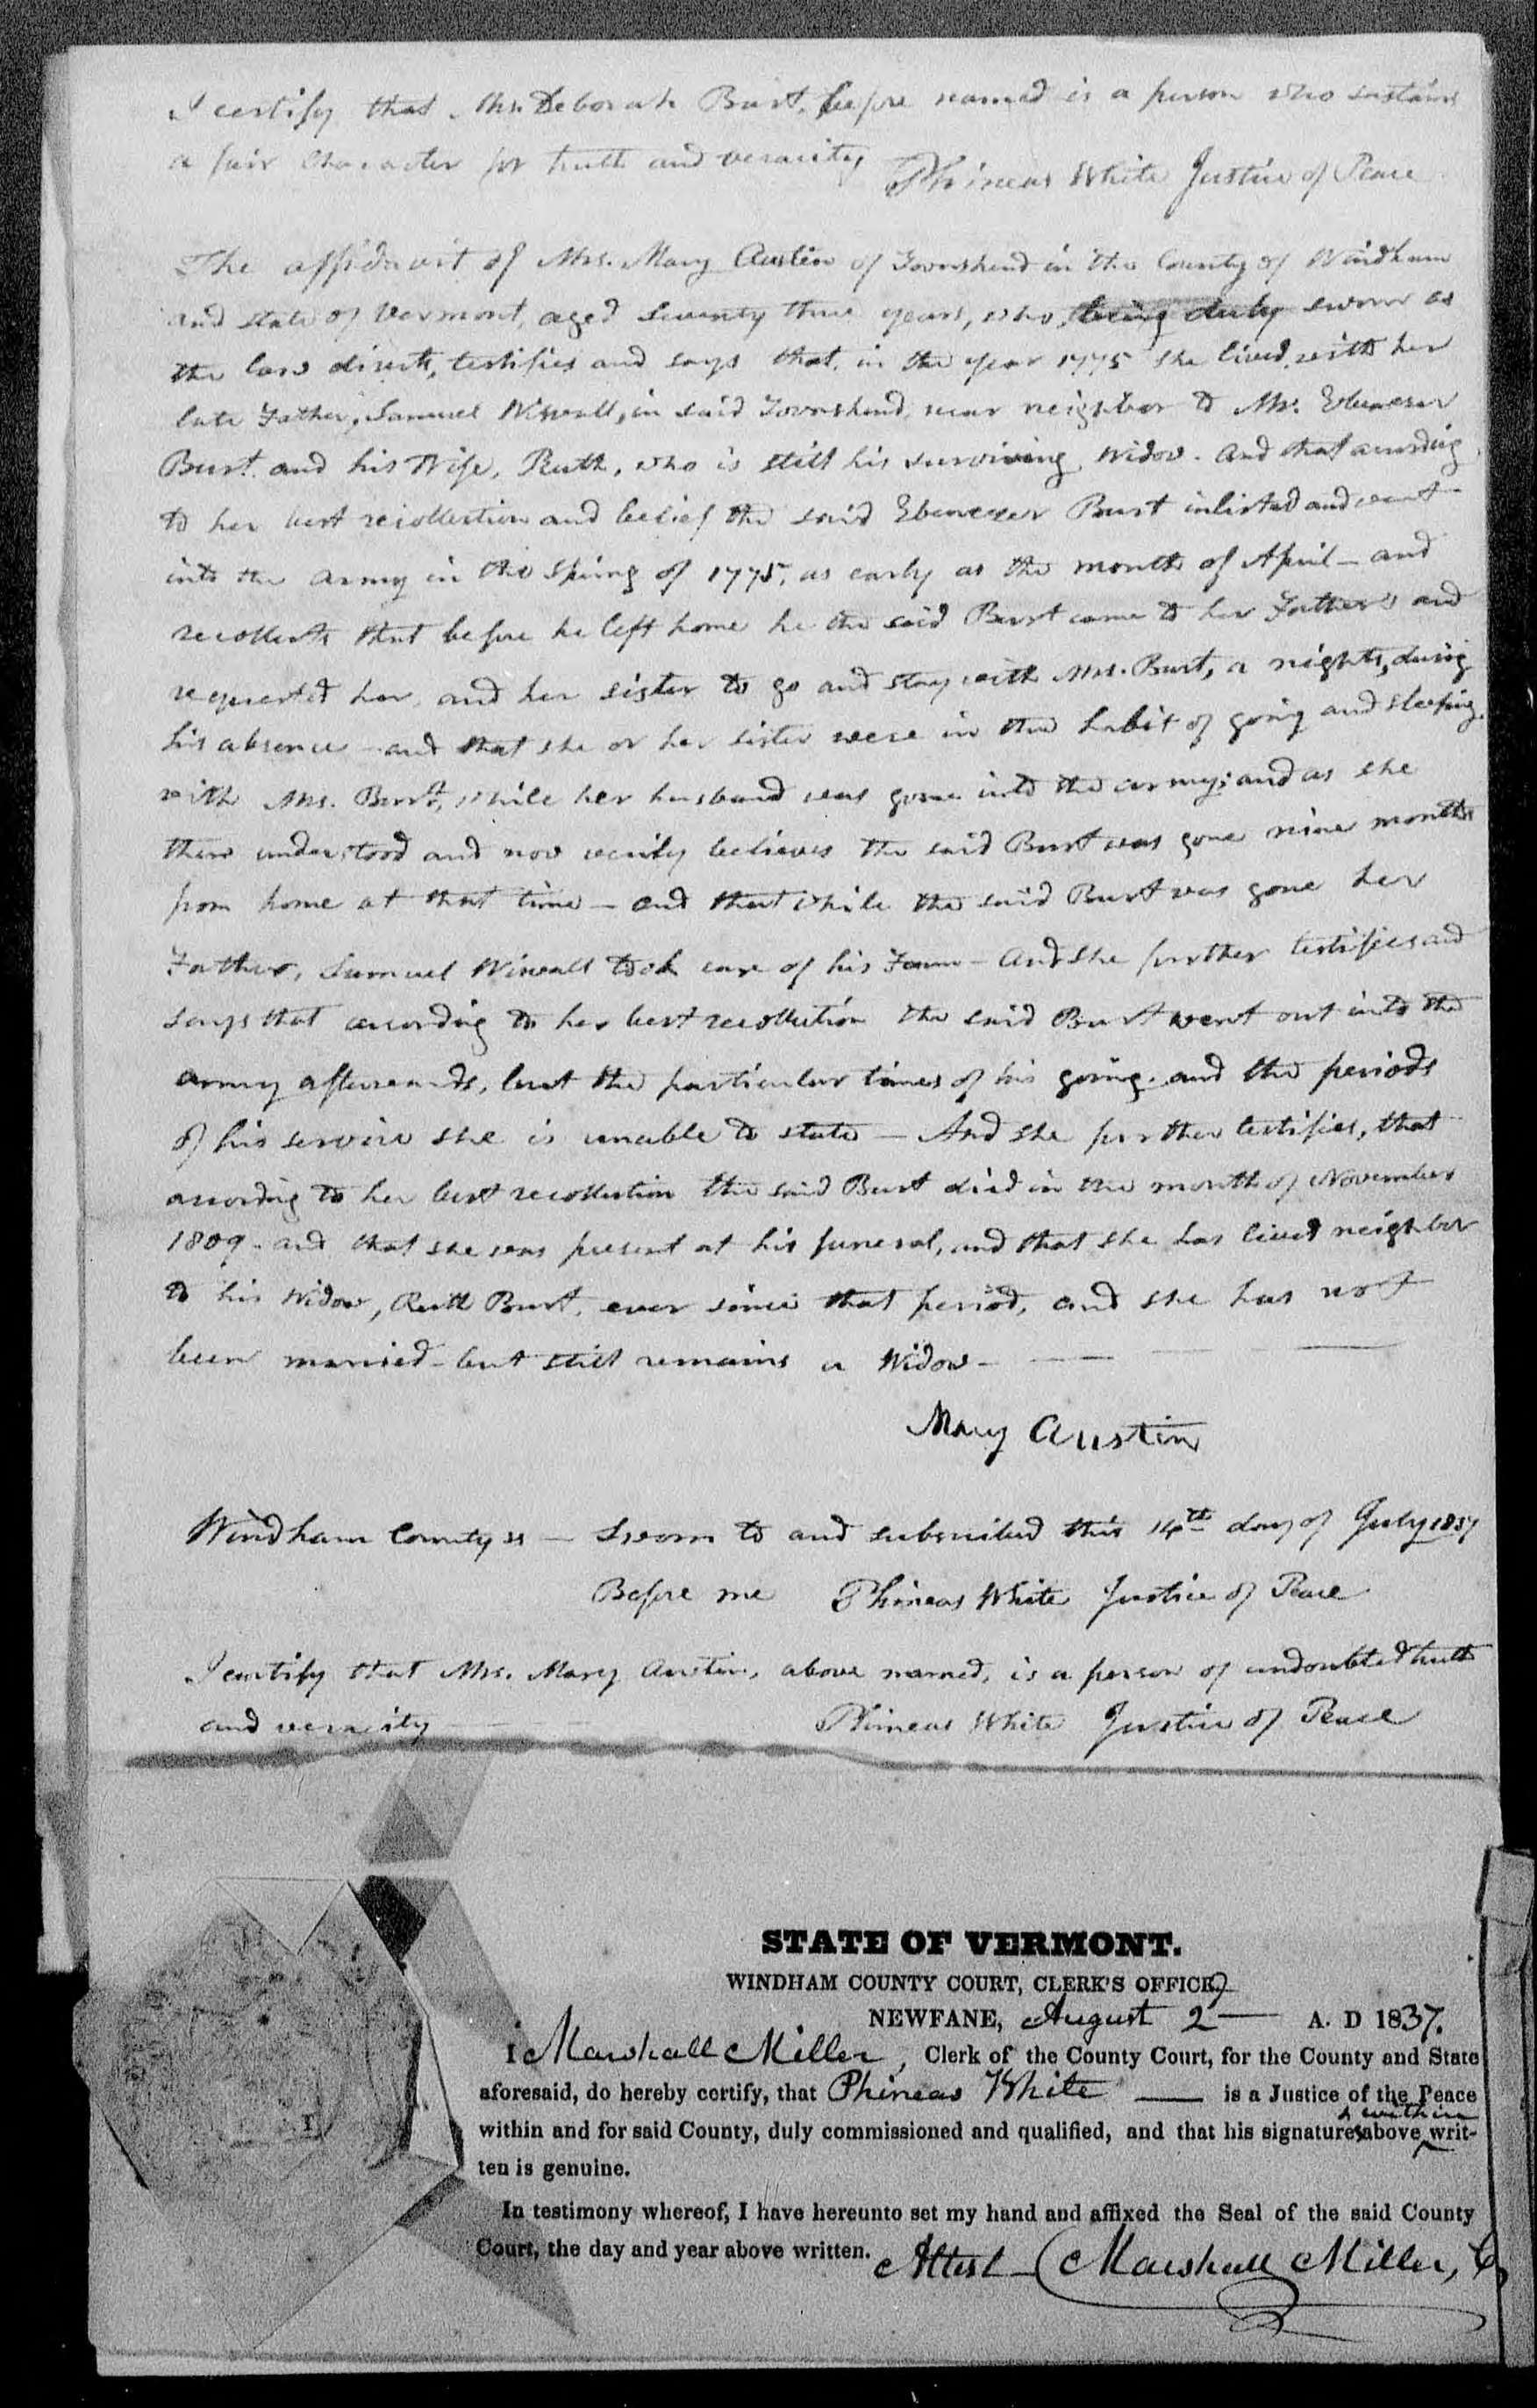I certify that the Deborah Burt before named is a person who sustains a fair character for truth and veracity
Phineas White Justice of Peace

The affidavit of Mrs. Mary Austin of Townshend in the County of Windham and State of Vermont, aged Seventy three years, who being duly sworn as the law directs, testifies and says that in the year 1775 she lived with her late Father, Samuel Wiswall, in said Townshend, near neighbor to Mr. Ebenezer Burt and his Wife, Ruth, who is still his surviving widow. And that according to her best recollection and belief the said Ebenezer Burt inlisted (enlisted) and went into the Army in the Spring of 1775, as early as the month of April - and recollects that before he left home he the said Burt came to her Father's and requested her and her sister to go and stay with Mrs. Burt, a nights during his absence and that she or her sister were in the habit of going and sleeping with Mrs. Burt, while her husband was gone into the army; and as she then understood and now verily believes the said Burt was gone nine months from home at that time - and that while the said Burt was gone her Father, Samuel Wiswall took care of his Farm - And she further testifies and says that according to her best recollection the said Burt went out into the army afterwards, but the particular times of his going, and the periods
of his service she is unable to state - And she further testifies, that according to her best recollection the said Burt died in the month of November 1809 - and that she was present at his funeral, and that she has lived neighbor to
his widow, Ruth Burt, ever since that period, and she has not been married - but still remains a widow-
Mary Austin

Windham County ss - Sworn to and subscribed this 14th day of July 1837 Before me 
Phineas White Justice of Peace

I certify that Mrs. Mary Austin, above named, is a person of undoubted truth
and veracity - 
Phineas White Justice of Peace


STATE OF VERMONT.
WINDHAM COUNTY COURT, CLERK'S OFFICE
NEWFANE, August 2d A.D. 1837.

I Marchall Miller, Clerk of the County Court, for the County and State aforesaid, do hereby certify, that Phineas White is a Justice of the Peace within and for said County, duly commissioned and qualified, and that his signatures above & within written is genuine.

In testimony whereof, I have hereunto set my hand and affixed the Seal of the said County
Court, the day and year above written.

Attest Marshall Miller, C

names: Burt, Phineas White, Burt, Deborah Burt, Phineas White, Burt, Phineas White, Marshall Miller, Samuel Wiswall, Mary Austin, Burt, Ebenezer Burt, Burt, Marshall Miller, Ruth, Ebenezer Burt, Burt, Mary Austin, Samuel Wiswall, Phineas White, Ruth Burt, Burt, Mary Austin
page: 10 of 17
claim: widow's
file: W. 20809, Ebenezer Burt, Mass.